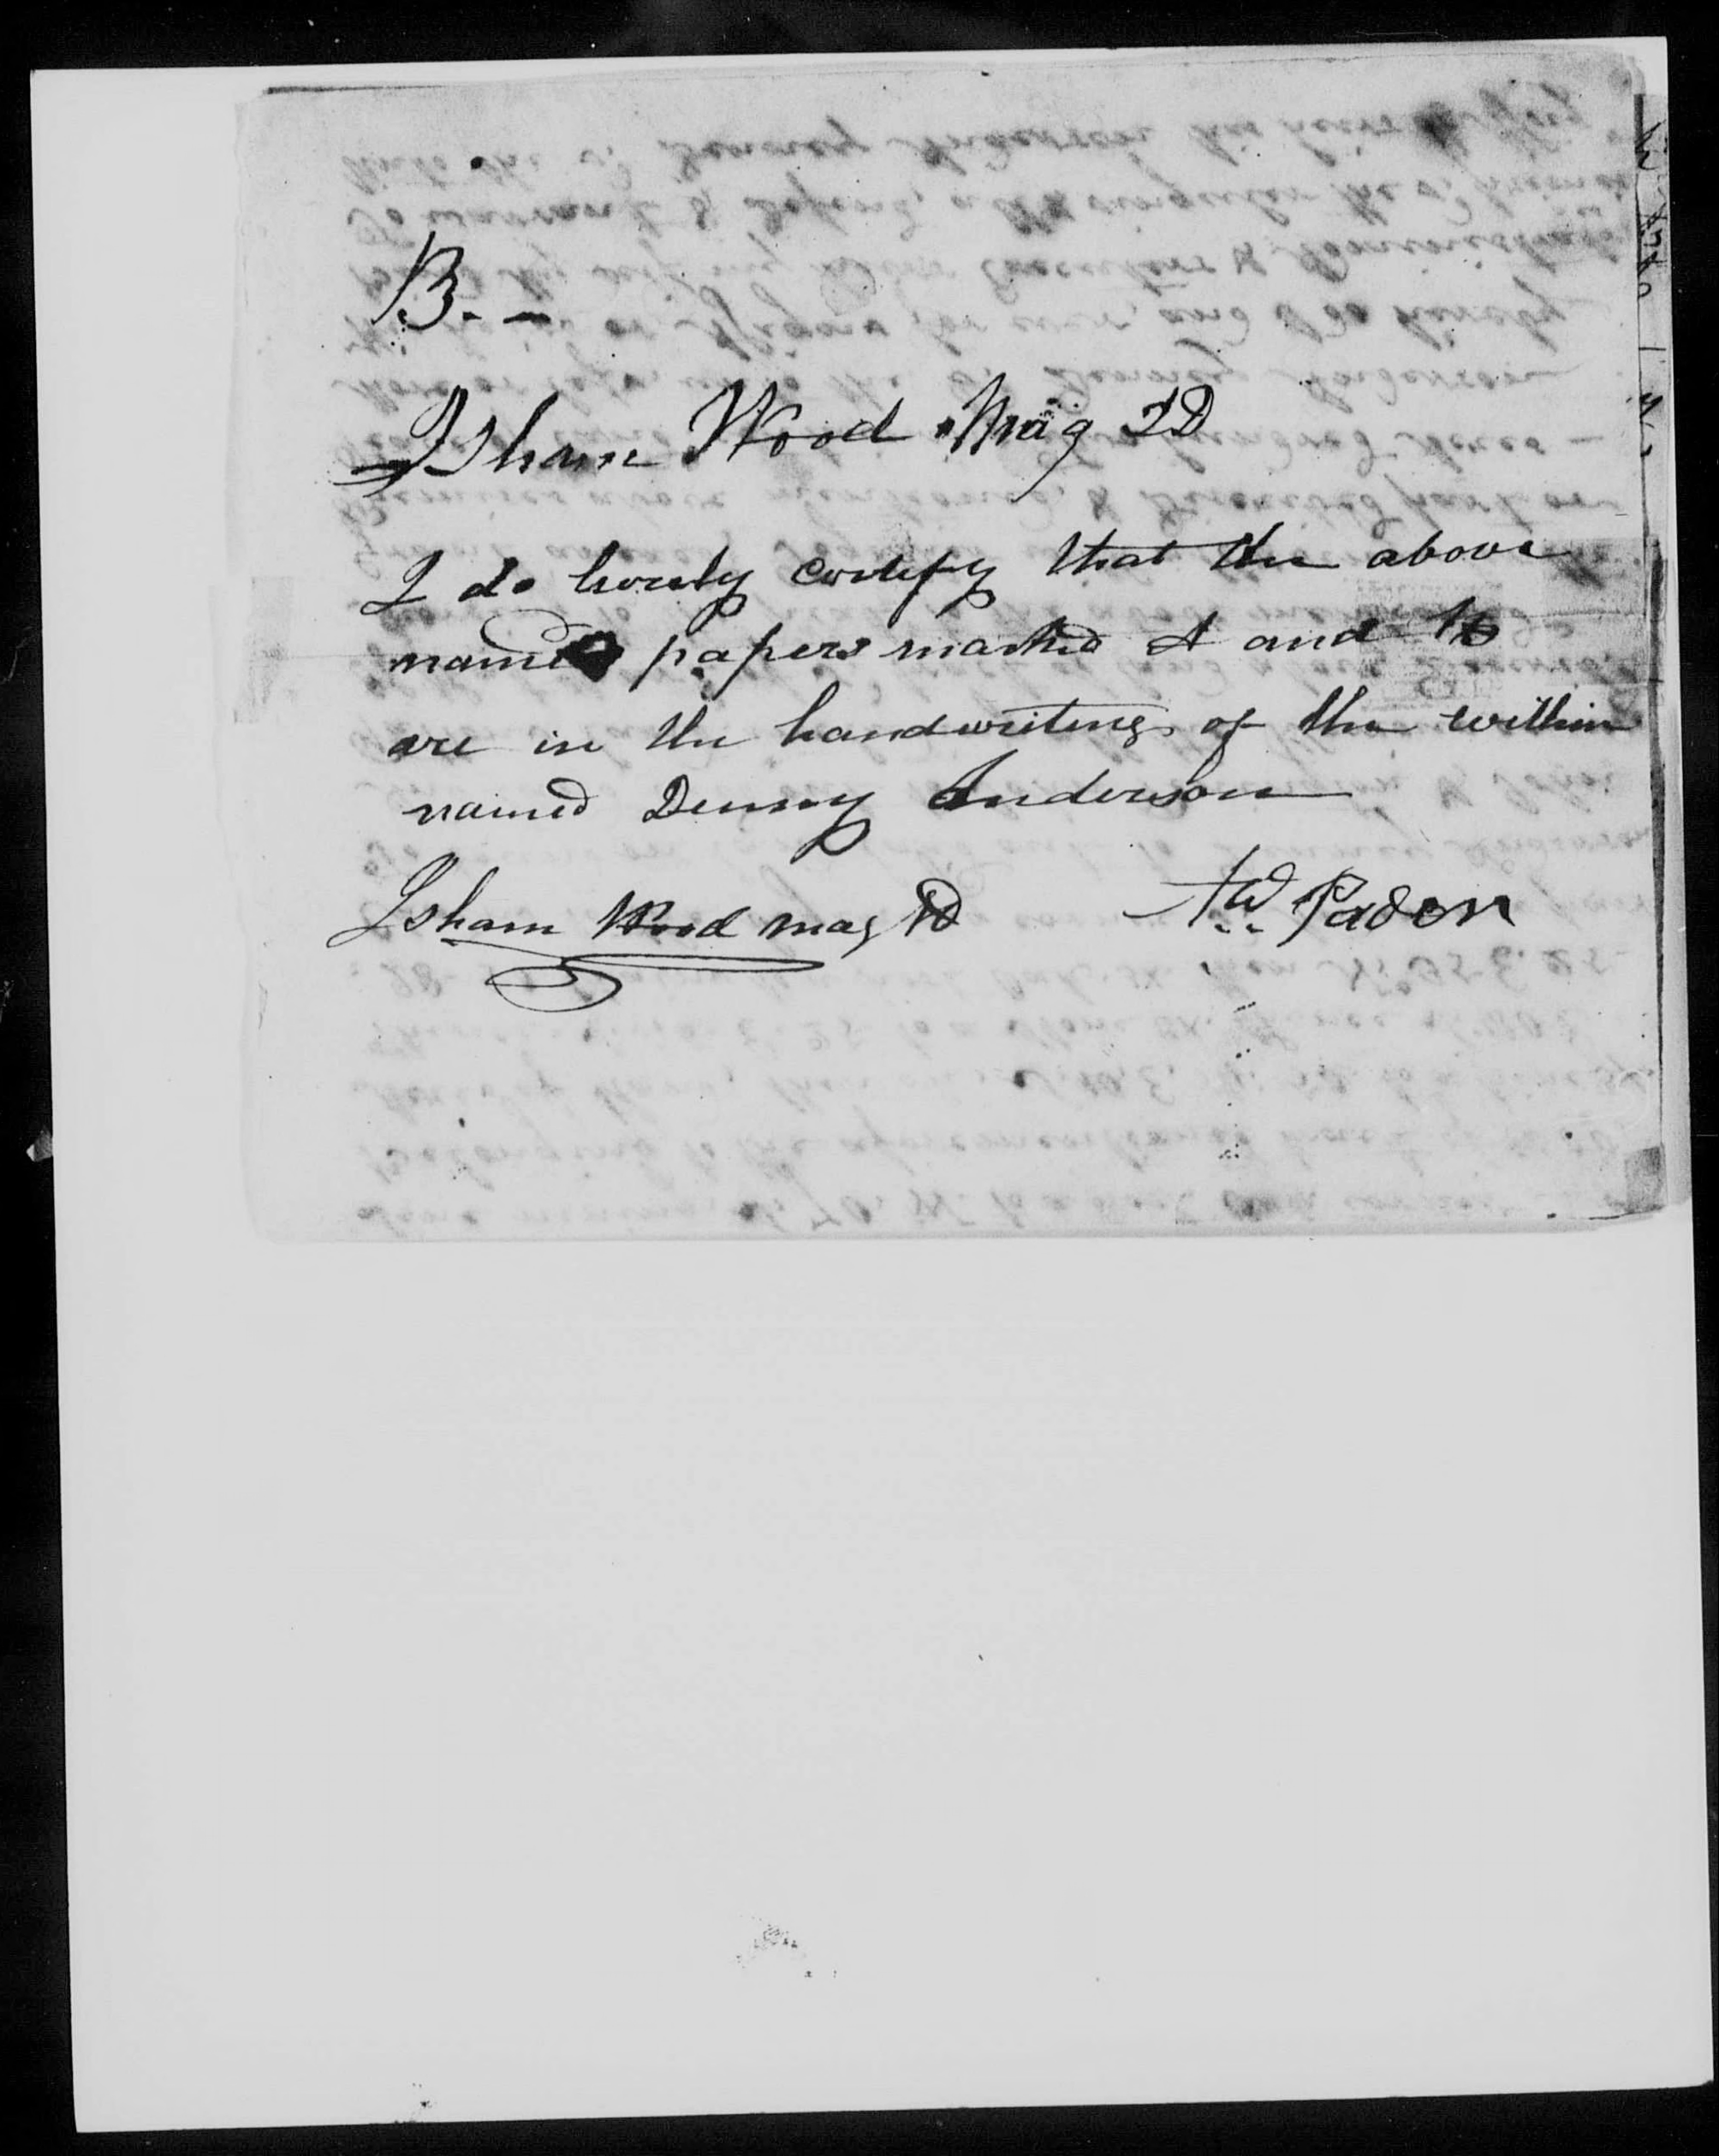B -
Isham Wood Mag SD
I do hereby certify that the above named papers marked A and B are in the handwriting of the within named Denny Anderon
Isham Wood Mag SD
A.W. Padon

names: Denny Anderson, Isham Wood, Isham Wood, A W Paden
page: 36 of 51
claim: widow's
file: W. 9700, Denney Anderson, S.C.